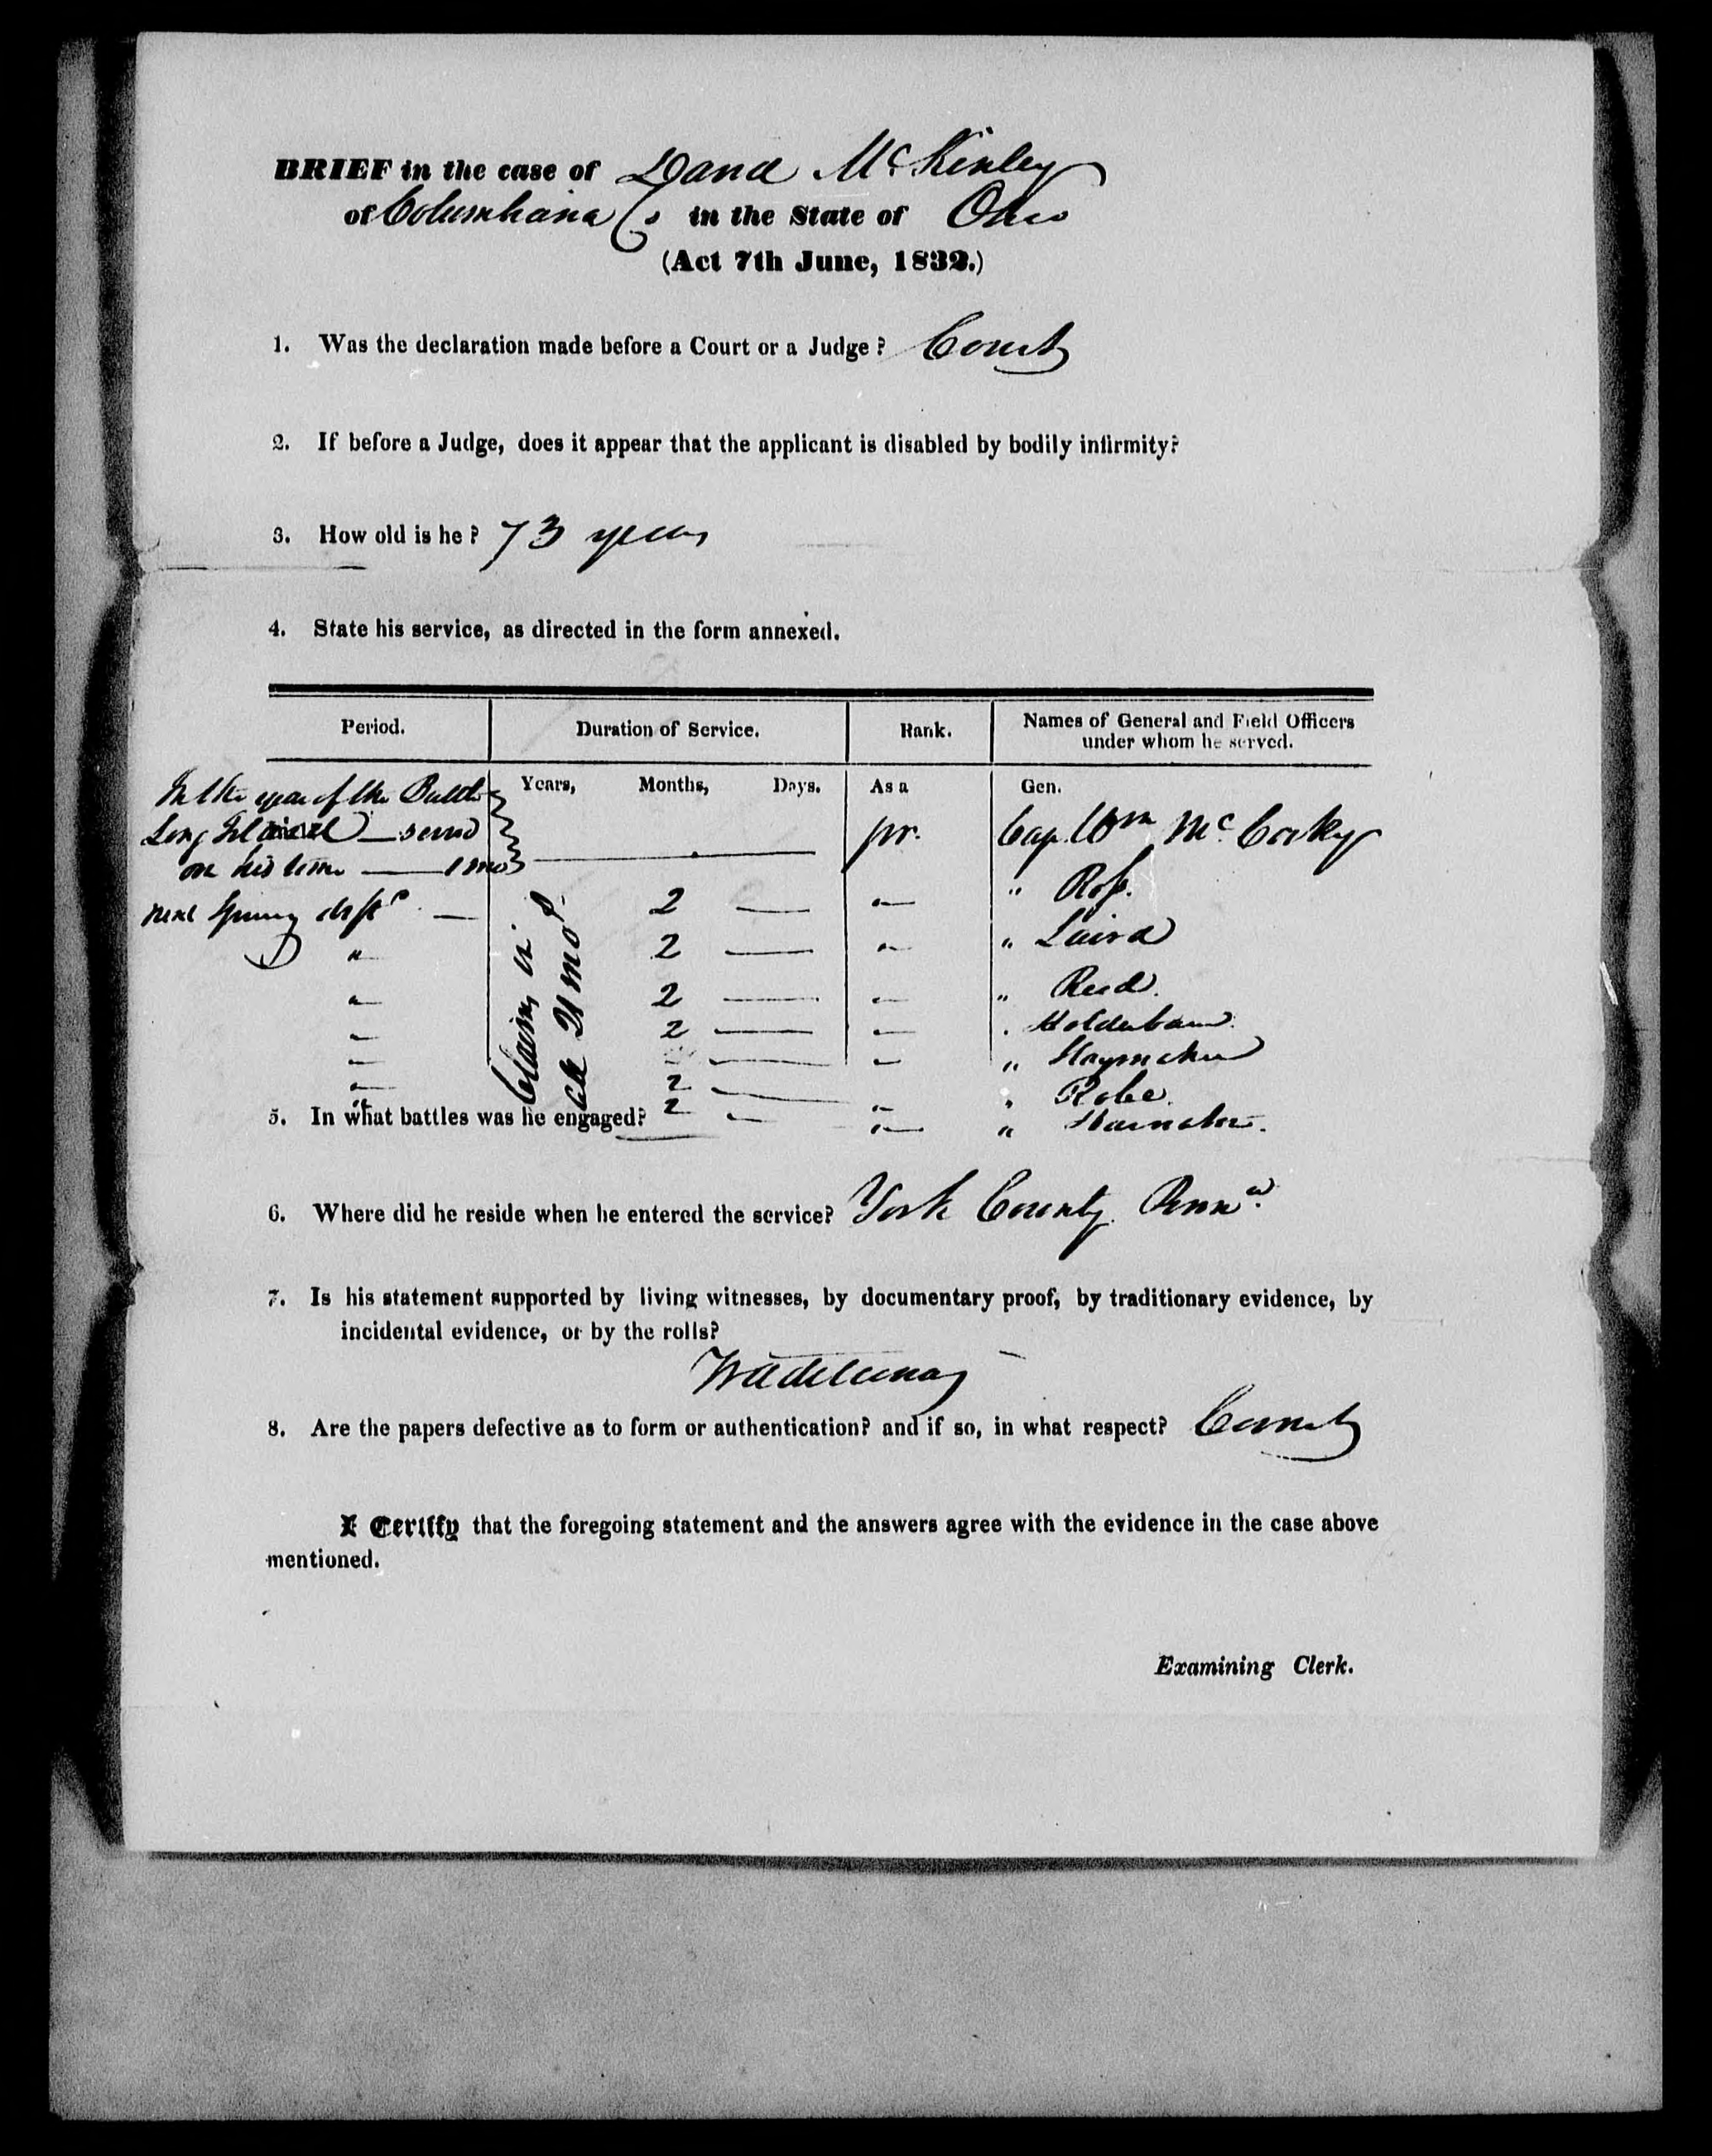BRIEF in the case of David McKinley
of Columbiana in the State of Ohio
(Act 7th June, 1832.)

1. Was the declaration made before a Court or a Judge? Court
2. If before a Judge, does it appear that the applicant is disabled by bodily infirmity?
3. How old is he? 73 years
4. State his service, as directed in the form annexed.

Period. [column header]
In the year of the battle 
Long Island __ served
on his [???] __ 11 mo
next [??] ---

Duration of Service [column header]
Years, Months, Days. [column header]
Claim is ca 21 mo's
2 [months] -- [days]
2 [months] -- [days]
2 [months] -- [days]
2 [months] -- [days]
2 [months] -- [days]
2 [months] -- [days]
2 [months] -- [days]

Rank. [column header]
As a [column header]
Pr.

Names of General and Field Officers under whom he served. [column header]
Cap Wm McCasky
" Ross
" Laird
" Reed
" Holderbaum
" Stoymacher
" Robe
" Harnahan

5. In what battles was he engaged? 
6. Where did he reside when he entered the service? York County, Penn.
7. Is his statement supported by living witnesses, by documentary proof, by traditionary evidence, by incidental evidence, or by the rolls? Traditionary
8. Are the papers defective as to form or authentication? and if so, in what respect? Court

I certify that the foregoing statement and the answers agree with the evidence in the case above mentioned.

Examining Clerk.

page: 5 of 39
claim: survivor's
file: S. 2812, for David Mc Kinley, Pennsylvania